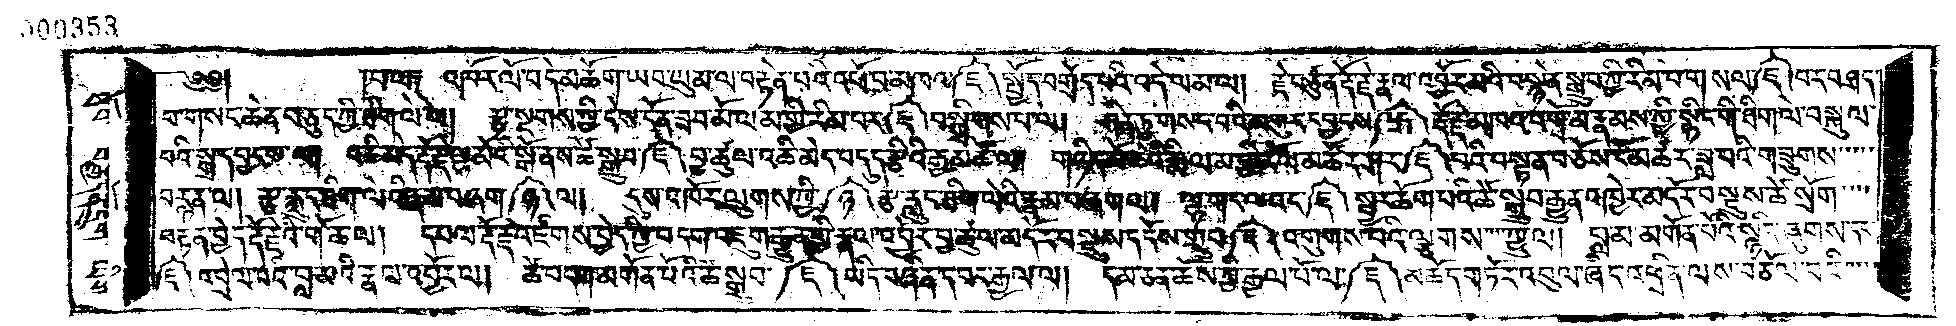༄༅། །བ་ལ༑ འཁོར་ལོ་བདེ་མཆོག་ཡབ་ཡུམ་ལ་བརྟེན་པའི་འཕོ་བ་མཁའ ༼ཇ༽ སྤྱོད་བགྲོད་པའི་བདེ་ལམ་ལ། རྗེ་བཙུན་རྡོ་རྗེ་རྣལ་འབྱོར་མའི་བསྙེན་སྒྲུབ་ཀྱི་རིམ་པ་གསལ ༼ཇ༽ བར་བཤད་
བ་གསང་ཆེན་བཅུད་ཀྱི་ཐིག་ལེ་ལེ། རྩ་སྔགས་ཀྱི་ངེས་དོན་ཟབ་མོ་ལམ་གྱི་རིམ་པར ༼ཇ༽ བསྒྲིགས་པ་ལ། ཤིན་ཏུ་གསང་བའི་མགུར་དབྱངས ༼༽ རྡོ་རྗེ་མཁའ་འགྲོ་མ་རྣམས་ཀྱི་སྙིང་གི་ཐིག་ལེ་བསྐུལ་
བའི་སྒྲ་དབྱངས་ལ། འཆི་མེད་རྡོ་རྗེ་ལྷ་མོའི་སྒོ་ནས་ཚེ་སྒྲུབ ༼ཇ༽ བྱ་ཚུལ་འཆི་མེད་བདུད་རྩིའི་རྒྱ་མཚོ་ལ། གཉིད་མོ་ཆེའི་རྨི་ལམ་གྱི་རོལ་མཚོར་ཤར ༼ཇ༽ བའི་བསྟན་བཅོས་ངོ་མཚར་ཟླ་བའི་གཟུགས་
བརྙན་ལ། རྩ་རླུང་ཐིག་ལེའི་རྣམ་བཞག ༼ཉ༽ ལ། དུས་འཁོར་ལུགས་ཀྱི ༼ཉ༽ རྩ་རླུང་ཐིག་ལེའི་རྣམ་བཞག་ལ། ལྷ་གང་ལའང ༼ཇ༽ སྦྱར་ཆོག་པའི་ཚེ་སྒྲུབ་རྒྱུན་འཁྱེར་མདོར་བསྡུས་ཚེ་སྲོག་
བརྟན་བྱེད་རྡོ་རྗེའི་གོ་ཆ་ལ། དཔལ་རྡོ་རྗེ་འཇིགས་བྱེད་ཀྱི་བདག་འཇུག་རྒྱུན་གྱི་རྣལ་འབྱོར་བྱ་ཚུལ་མདོར་བསྡུས་དངོས་གྲུབ ༼ཇ༽ འགུགས་པའི་ལྕགས་ཀྱུ་ལ། བླ་མ་མགོན་པོའི་སྙིང་ཞུགས་དང་
༼ཇ༽ འབྲེལ་བའི་བླ་མའི་རྣལ་འབྱོར་ལ། ཚེ་བདག་མགོན་པོའི་ཚེ་སྒྲུབ ༼ཇ༽ ཡིད་བཞིན་དབང་རྒྱལ་ལ། དམ་ཅན་ཆོས་ཀྱི་རྒྱལ་པོ་ལ ༼ཇ༽ མཆོད་གཏོར་འབུལ་ཞིང་འཕྲིན་ལས་བཅོལ་བའི་